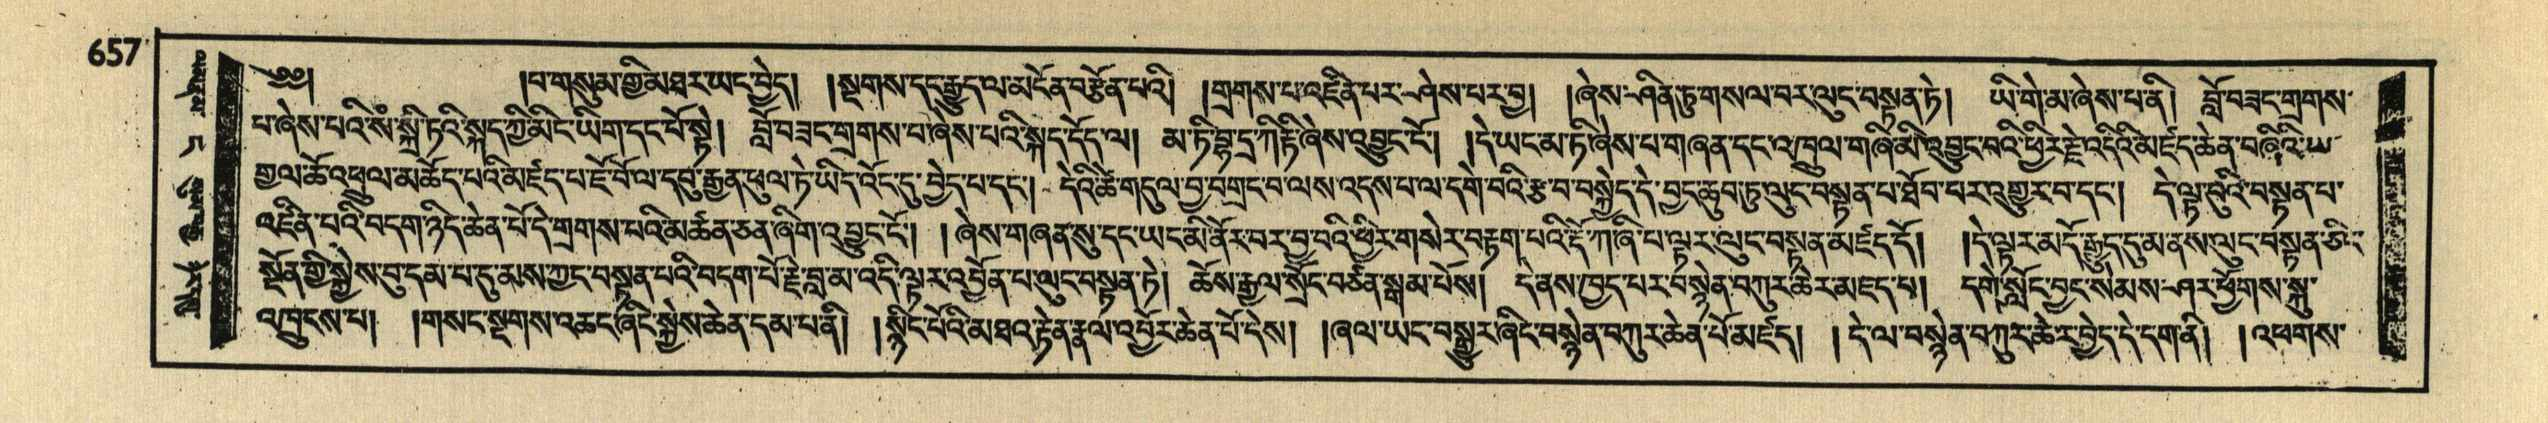༄༅། །པ་གསུམ་གྱི་མཐར་ཡང་བྱེད། །སྔགས་དང་རྒྱུད་ལ་མངོན་བརྩོན་པའི། །གྲགས་པ་འཛིན་པར་ཤེས་པར་བྱ། །ཞེས་ཤིན་ཏུ་གསལ་བར་ལུང་བསྟན་ཏེ། ཡི་གེ་མ་ཞེས་པ་ནི། བློ་བཟང་གྲགས་
པ་ཞེས་པའི་སཾ་སྐྲི་ཏའི་སྐད་ཀྱི་མིང་ཡིག་དང་པོ་སྟེ། བློ་བཟང་གྲགས་པ་ཞེས་པའི་སྐད་དོད་ལ། མ་ཏི་བྷ་དྲ་ཀིརྟི་ཞེས་འབྱུང་ངོ། །དེ་ཡང་མ་ཏི་ཞེས་པ་གཞན་དང་འཁྲུལ་གཞི་མི་འབྱུང་བའི་ཕྱིར་རྗེ་འདིའི་མཛད་ཆེན་བཞིའི་ཡ་
གྱལ་ཆོ་འཕྲུལ་མཆོད་པའི་མཛད་པ་ཇོ་བོ་ལ་དབུ་རྒྱན་ཕུལ་ཏེ་ཡིད་འོང་དུ་བྱེད་པ་དང་། དེའི་ཚེ་གདུལ་བྱ་བགྲང་བ་ལས་འདས་པ་ལ་དགེ་བའི་རྩ་བ་བསྐྱེད་དེ་བྱང་ཆུབ་ཏུ་ལུང་བསྟན་པ་ཐོབ་པར་འགྱུར་བ་དང་། དེ་ལྟ་བུའི་བསྟན་པ་
འཛིན་པའི་བདག་ཉིད་ཆེན་པོ་དེ་གྲགས་པའི་མཚན་ཅན་ཞིག་འབྱུང་ངོ། །ཞེས་གཞན་སུ་དང་ཡང་མི་ནོར་བར་བྱ་བའི་ཕྱིར་གསེར་བརྟག་པའི་རྡོ་ཀ་ཞི་པ་ལྟར་ལུང་བསྟན་མཛད་དོ། །དེ་ལྟར་མདོ་རྒྱུད་དུ་མ་ནས་ལུང་བསྟན་ཅིང་
སྔོན་གྱི་སྐྱེས་བུ་དམ་པ་དུ་མས་ཀྱང་བསྟན་པའི་བདག་པོ་རྗེ་བླ་མ་འདི་ལྟར་འབྱོན་པ་ལུང་བསྟན་ཏེ། ཆོས་རྒྱལ་སྲོང་བཙན་སྒམ་པོས། དེ་ནས་ཁྱད་པར་བསྙེན་བཀུར་ཆེར་མཛད་པ། དགེ་སློང་བྱང་སེམས་ཤར་ཕྱོགས་སྐུ་
འཁྲུངས་པ། །གསང་སྔགས་འཆང་ཞིང་སྐྱེས་ཆེན་དམ་པ་ནི། །སྙིང་པོའི་མཐའ་རྟེན་རྣལ་འབྱོར་ཆེན་པོ་དེས། །ཞལ་ཡང་བསྒྱུར་ཞིང་བསྙེན་བཀུར་ཆེན་པོ་མཛད། །དེ་ལ་བསྙེན་བཀུར་ཆེར་བྱེད་དེ་དག་ནི། །འཕགས་